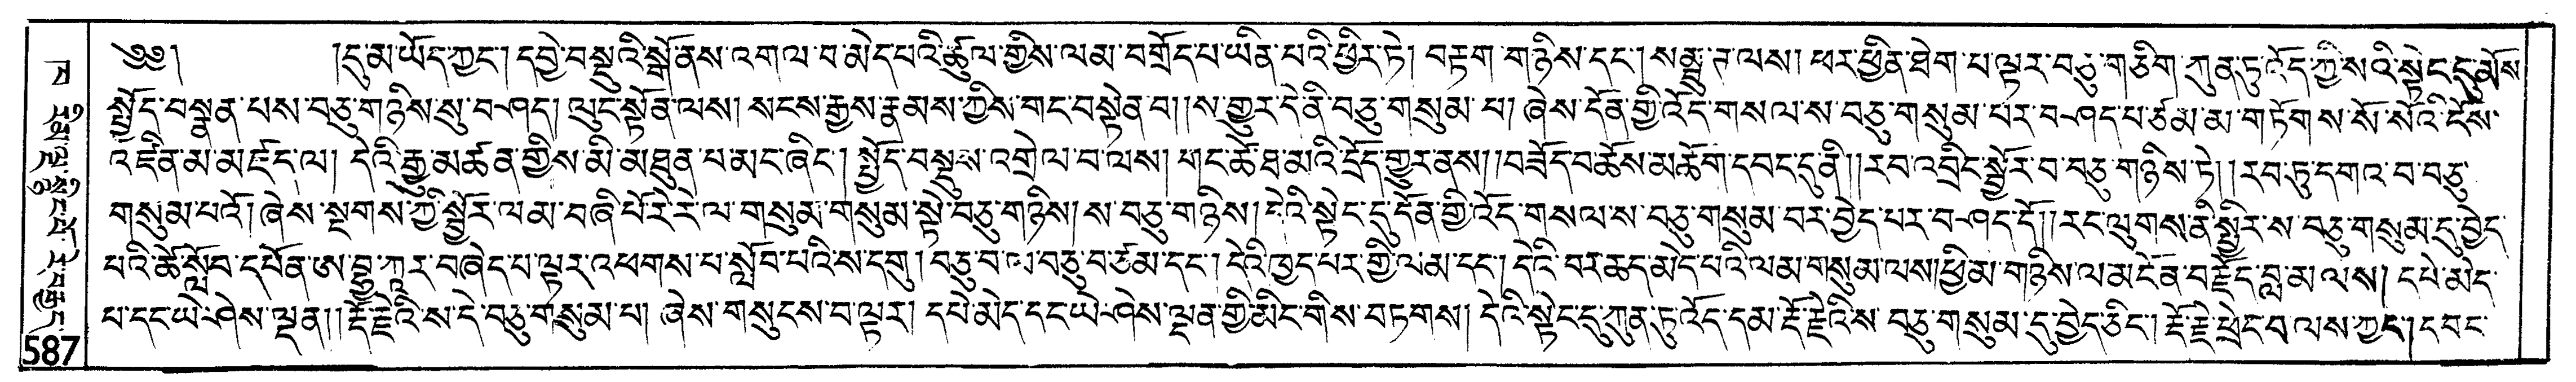༄༅། །དུ་མ་ཡོད་ཀྱང་། དབྱེ་བསྡུའི་སྒོ་ནས་འགལ་བ་མེད་པའི་ཚུལ་གྱིས་ལམ་བགྲོད་པ་ཡིན་པའི་ཕྱིར་ཏེ། བརྟག་གཉིས་དང་། སམྦུ་ཊ་ལས། ཕར་ཕྱིན་ཐེག་པ་ལྟར་བཅུ་གཅིག་ཀུན་ཏུ་འོད་ཀྱི་སའི་སྟེང་དུ་མོས་
སྤྱོད་བསྣན་པས་བཅུ་གཉིས་སུ་བཤད། ལུང་སྟོན་ལས། སངས་རྒྱས་རྣམས་ཀྱིས་གང་བསྟེན་བ། །ས་གྱུར་དེ་ནི་བཅུ་གསུམ་པ། ཞེས་དོན་གྱི་འོད་གསལ་ས་བཅུ་གསུམ་པར་བཤད་པ་ཙམ་མ་གཏོགས་སོ་སོའི་ངོས་
འཛིན་མ་མཛད་ལ། དེའི་རྒྱུ་མཚན་གྱིས་མི་མཐུན་པ་མང་ཞིང་། སྤྱོད་བསྡུས་འགྲེལ་བ་ལས། གང་ཚེ་ཐ་མའི་དྲོད་གྱུར་ནས། །བཟོད་བ་ཆོས་མཆོག་དབང་དུ་ནི། །རབ་འབྲིང་སྦྱོར་བ་བཅུ་གཉིས་ཏེ། །རབ་ཏུ་དགའ་བ་བཅུ་
གསུམ་པའོ། །ཞེས་སྔགས་ཀྱི་སྦྱོར་ལམ་བཞི་པོ་རེ་རེ་ལ་གསུམ་གསུམ་སྟེ་བཅུ་གཉིས། ས་བཅུ་གཉིས། དེའི་སྟེང་དུ་དོན་གྱི་འོད་གསལ་ས་བཅུ་གསུམ་བར་བྱེད་པར་བཤད་དོ། །རང་ལུགས་ནི་སྤྱིར་ས་བཅུ་གསུམ་དུ་བྱེད་
པའི་ཚེ་སློབ་དཔོན་ཨ་བྷྱ་ཀཱར་བཞེད་པ་ལྟར་འཕགས་པ་སློབ་པའི་ས་དགུ། བཅུ་བ་ལ་བཅུ་བ་ཙམ་དང་། དེའི་ཁྱད་པར་གྱི་ལམ་དང་། དེའི་བར་ཆད་མེད་པའི་ལམ་གསུམ་ལས། ཕྱི་མ་གཉིས་ལ་མངོན་བརྗོད་བླ་མ་ལས། དཔེ་མེད་
པ་དང་ཡེ་ཤེས་ལྡན། །རྡོ་རྗེའི་ས་དེ་བཅུ་གསུམ་པ། ཞེས་གསུངས་བ་ལྟར། དཔེ་མེད་དང་ཡེ་ཤེས་ལྡན་གྱི་མིང་གིས་བཏགས། དེའི་སྟེང་དུ་ཀུན་ཏུ་འོད་དམ་རྡོ་རྗེའི་ས་བཅུ་གསུམ་དུ་བྱེད་ཅིང་། རྡོ་རྗེ་ཕྲེང་བ་ལས་ཀྱང་། དབང་